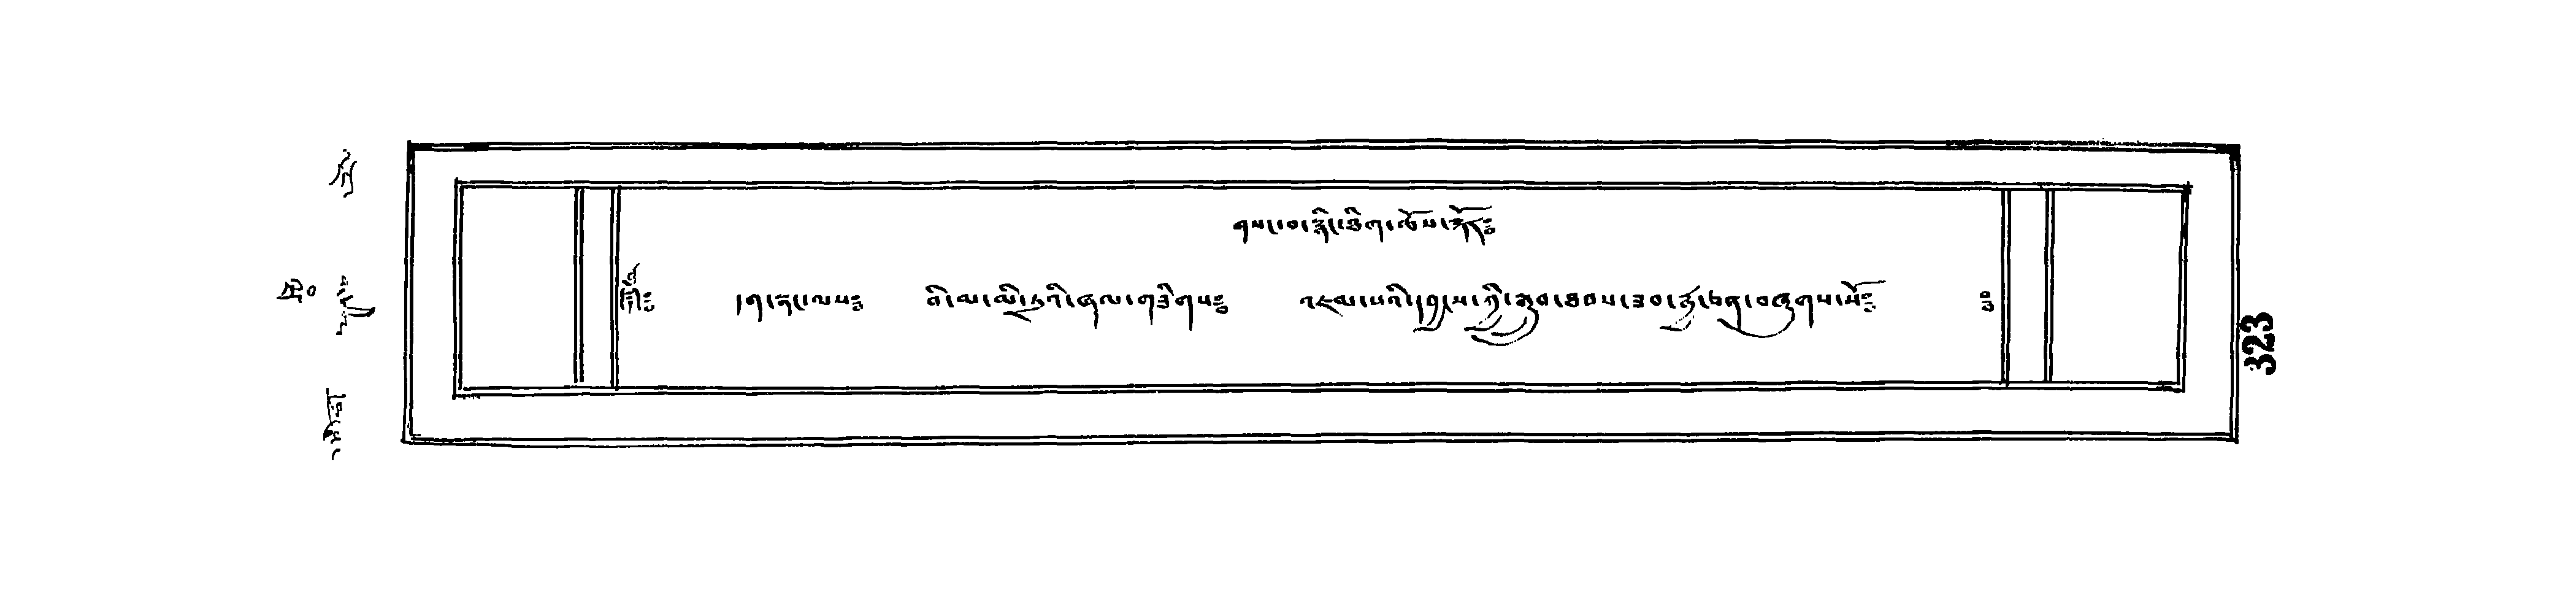གསང་བ་སྙིང་ཐིག་ཆོས་སྐོར༔ 
དག་སྣང་ལས༔ བི་མ་མི་ཏྲའི་ཞལ་གཟིགས༔ འཇམ་པའི་དབྱངས་ཀྱི་སྒྲུབ་ཐབས་ཟབ་རྒྱ་ཅན་བཞུགས་སོ༔